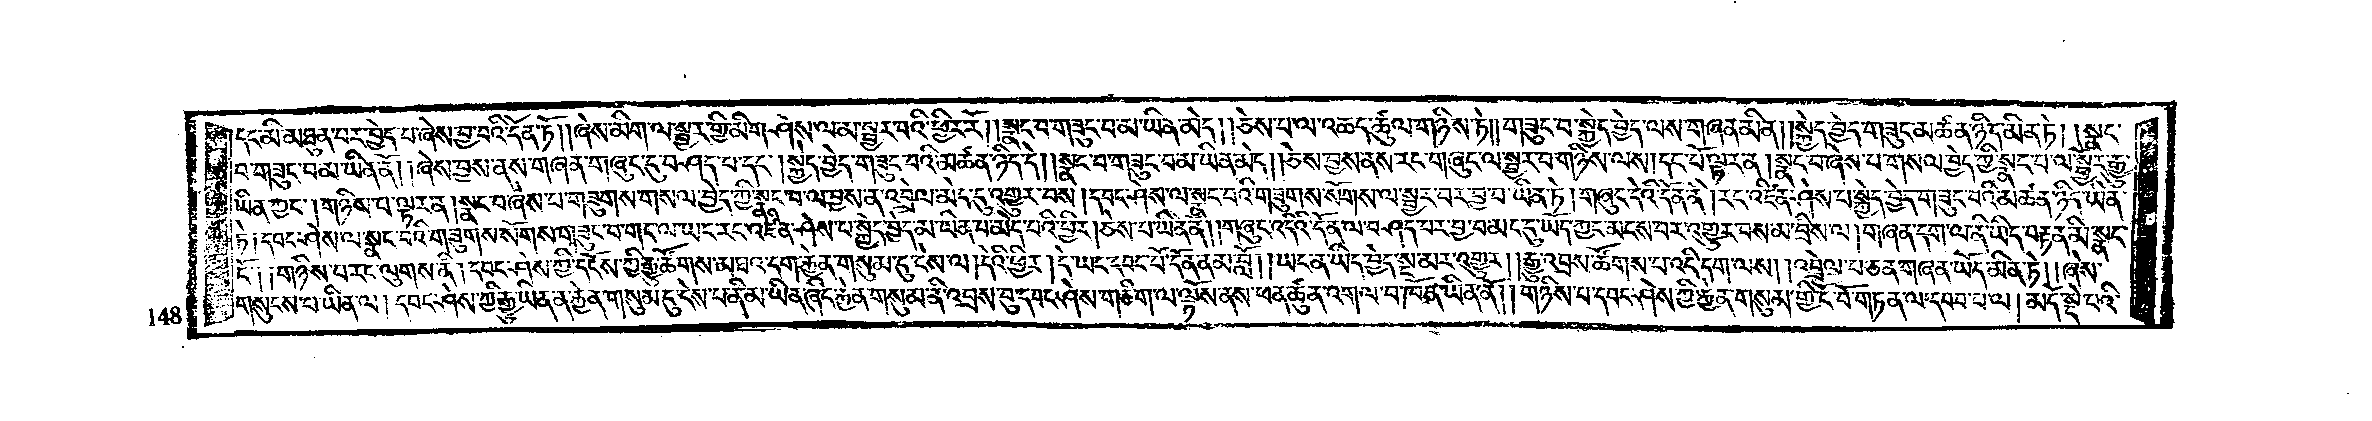དང་མི་མཐུན་པར་བྱེད་པ་ཞེས་བྱ་བའི་དོན་ཏོ། །ཞེས་མིག་ལ་སྦྱར་གྱི་མིག་ཤེས་ལ་མ་སྦྱར་བའི་ཕྱིར་རོ། །སྣང་བ་གཟུང་བ་མ་ཡིན་མེད། །ཅེས་པ་ལ་འཆད་ཚུལ་གཉིས་ཏེ། །གཟུང་བ་སྐྱེད་བྱེད་ལས་གཞན་མིན། །སྐྱེད་བྱེད་གཟུང་མཚན་ཉིད་མིན་ཏེ། །སྣང་
བ་གཟུང་བ་མ་ཡིན་ནོ། །ཞེས་བྱས་ནས་གཞན་གཞུང་དུ་བཤད་པ་དང་། སྐྱེད་བྱེད་གཟུང་བའི་མཚན་ཉིད་དེ། །སྣང་བ་གཟུང་བ་མ་ཡིན་མེད། །ཅེས་བྱས་ནས་རང་གཞུང་ལ་སྦྱར་བ་གཉིས་ལས། དང་པོ་ལྟར་ན། སྣང་བ་ཞེས་པ་གསལ་བྱེད་ཀྱི་སྣང་བ་ལ་སྦྱོར་རྒྱུ་
ཡིན་ཀྱང་། གཉིས་པ་ལྟར་ན། སྣང་བ་ཞེས་པ་གཟུགས་གསལ་བྱེད་ཀྱི་སྣང་བ་ལ་བྱས་ན་འབྲེལ་མེད་དུ་འགྱུར་བས། དབང་ཤེས་ལ་སྣང་བའི་གཟུགས་སོགས་ལ་སྦྱར་བར་བྱ་བ་ཡིན་ཏེ། གཞུང་དེའི་དོན་ནི། རང་འཛིན་ཤེས་པ་སྐྱེད་བྱེད་གཟུང་བའི་མཚན་ཉིད་ཡིན་
ཏེ། དབང་ཤེས་ལ་སྣང་བའི་གཟུགས་སོགས་གཟུང་བ་གང་ལ་ཡང་རང་འཛིན་ཤེས་པ་སྐྱེད་བྱེད་མ་ཡིན་པ་མེད་པའི་ཕྱིར། ཅེས་པ་ཡིན་ནོ། །གཞུང་འདིའི་དོན་ལ་བཤད་པར་བྱ་བ་མང་དུ་ཡོད་ཀྱང་མ་ངེས་པར་འགྱུར་བས་མ་བྲིས་ལ། གཞན་དག་ལ་ནི་ཡིད་བརྟན་མི་སྣང་
ངོ༑ ༑གཉིས་པ་རང་ལུགས་ནི། དབང་ཤེས་ཀྱི་དངོས་ཀྱི་རྒྱུ་ཚོགས་མཐའ་དག་རྐྱེན་གསུམ་དུ་ངེས་ལ། དེའི་ཕྱིར། དེ་ཡང་དབང་པོ་དོན་ནམ་བློ། །ཡང་ན་ཡིད་བྱེད་སྔ་མར་འགྱུར། །རྒྱུ་འབྲས་ཚོགས་པ་འདི་དག་ལས། །འབྲེལ་པ་ཅན་གཞན་ཡོད་མིན་ཏེ། །ཞེས་
གསུངས་པ་ཡིན་ལ། དབང་ཤེས་ཀྱི་རྒྱུ་ཡིན་ན་རྐྱེན་གསུམ་དུ་ངེས་པ་ནི་མ་ཡིན་ཞིང་རྐྱེན་གསུམ་ནི་འབྲས་བུ་དབང་ཤེས་གཅིག་ལ་ལྟོས་ནས་ཕན་ཚུན་འགལ་བ་ཁོ་ན་ཡིན་ནོ། །གཉིས་པ་དབང་ཤེས་ཀྱི་རྐྱེན་གསུམ་གྱི་ངོ་བོ་གཏན་ལ་དབབ་པ་ལ། མདོ་སྡེ་པའི་